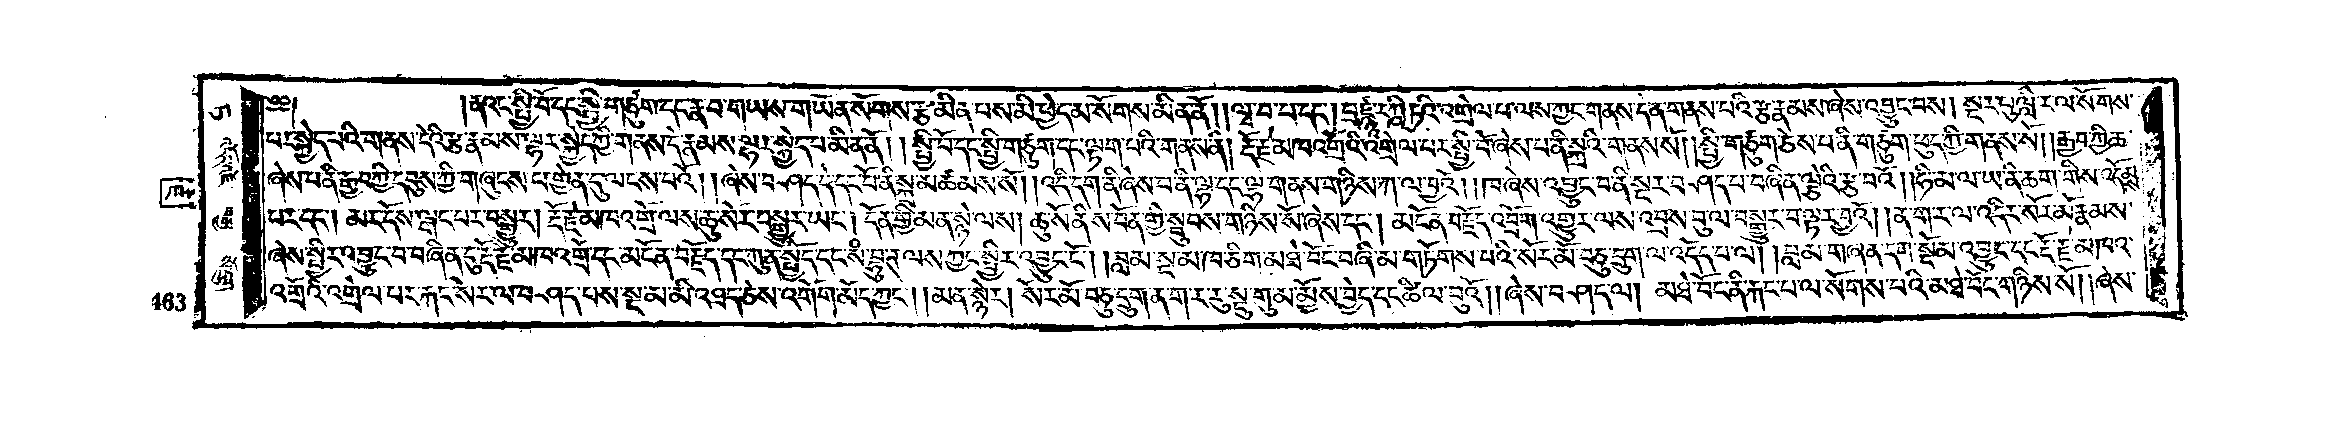༄༅། །ནའང་སྤྱི་བོ་དང་སྤྱི་གཙུག་དང་རྣ་བ་གཡས་གཡོན་སོགས་རྩ་མིན་པས་མི་ཕྱེད་མ་སོགས་མིན་ནོ། །ལྭ་བ་པ་དང་། པྲཛྙཱ་རཀྵི་ཏའི་འགྲེལ་པ་ལས་ཀྱང་གནས་དེ་ན་གནས་པའི་རྩ་རྣམས་ཞེས་འབྱུང་བས། སྔར་པུལླི་ར་ལ་སོགས་
པར་སྐྱེད་པའི་གནས་དེའི་རྩ་རྣམས་ལྷར་སྐྱེད་ཀྱི་གནས་དེ་རྣམས་ལྷར་སྐྱེད་པ་མིན་ནོ། །སྤྱི་བོ་དང་སྤྱི་གཙུག་དང་ལྟག་པའི་གནས་ནི། རྡོ་རྗེ་མཁའ་འགྲོའི་འགྲེལ་པར་སྤྱི་བོ་ཞེས་པ་ནི་སྐྲའི་གནས་སོ། །སྤྱི་གཙུག་ཅེས་པ་ནི་གཙུག་ཕུད་ཀྱི་གནས་སོ། །རྒྱབ་ཀྱི་ཆ་
ཞེས་པ་ནི་རྒྱབ་ཀྱི་དབུས་ཀྱི་གཞུངས་པ་གྱེན་དུ་ལངས་པའོ། །ཞེས་བཤད་དེ་དང་པོ་ནི་སྐྲ་མཚམས་སོ། །འདི་དག་ནི་ཞེས་པ་ནི་ལྷ་དང་ལྷ་གནས་གཉིས་ཀ་ལ་བྱའོ། །ཁ་ཞེས་འབྱུང་བ་ནི་སྔར་བཤད་པ་བཞིན་ལྕེའི་རྩ་བའོ། །ཧི་མ་ལ་ཡ་ནི་ཆག་གིས་འདོམས་
པར་དང་། མར་དོས་གླང་པར་བསྒྱུར། རྡོ་རྗེ་མཁའ་འགྲོ་ལས་ཆུ་སེར་བསྒྱུར་ཡང་། དོན་གྱི་མན་སྙེ་ལས། ཆུ་སོ་ནི་ས་བོན་གྱི་སྦུབས་གཉིས་སོ་ཞེས་དང་། མངོན་བརྗོད་འབྲོག་འགྱུར་ལས་འབྲས་བུ་ལ་བསྒྱུར་བ་ལྟར་བྱའོ། །ན་ག་ར་ལ་འདིར་སོར་མོ་རྣམས་
ཞེས་སྤྱིར་འབྱུང་བ་བཞིན་དུ་རྡོ་རྗེ་མཁའ་འགྲོ་དང་མངོན་བརྗོད་དང་ཀུན་སྤྱོད་དང་སཾ་བྷུ་ཊ་ལས་ཀྱང་སྤྱིར་འབྱུང་ངོ། །བླ་མ་སྔ་མ་ཁ་ཅིག་མཐེ་བོང་བཞི་མ་གཏོགས་པའི་སོར་མོ་བཅུ་དྲུག་ལ་འདོད་པ་ལ། །བླ་མ་གཞན་དག་སྡོམ་འབྱུང་དང་རྡོ་རྗེ་མཁའ་
འགྲོའི་འགྲེལ་པར་རྐང་སེར་ལ་བཤད་པས་སྔ་མ་མཾ་འཐད་ཅེས་འགོག་མོད་ཀྱང་། །མན་སྙེར། སོར་མོ་བཅུ་དྲུག་ན་ག་ར་རུ་སྡུ་གུ་མ་མྱོས་བྱེད་དང་ཚིལ་བུའོ། །ཞེས་བཤད་ལ། མཐེ་བོང་ནི་རྐང་པ་ལ་སོགས་པའི་མཐེ་བོང་གཉིས་སོ། །ཞེས་